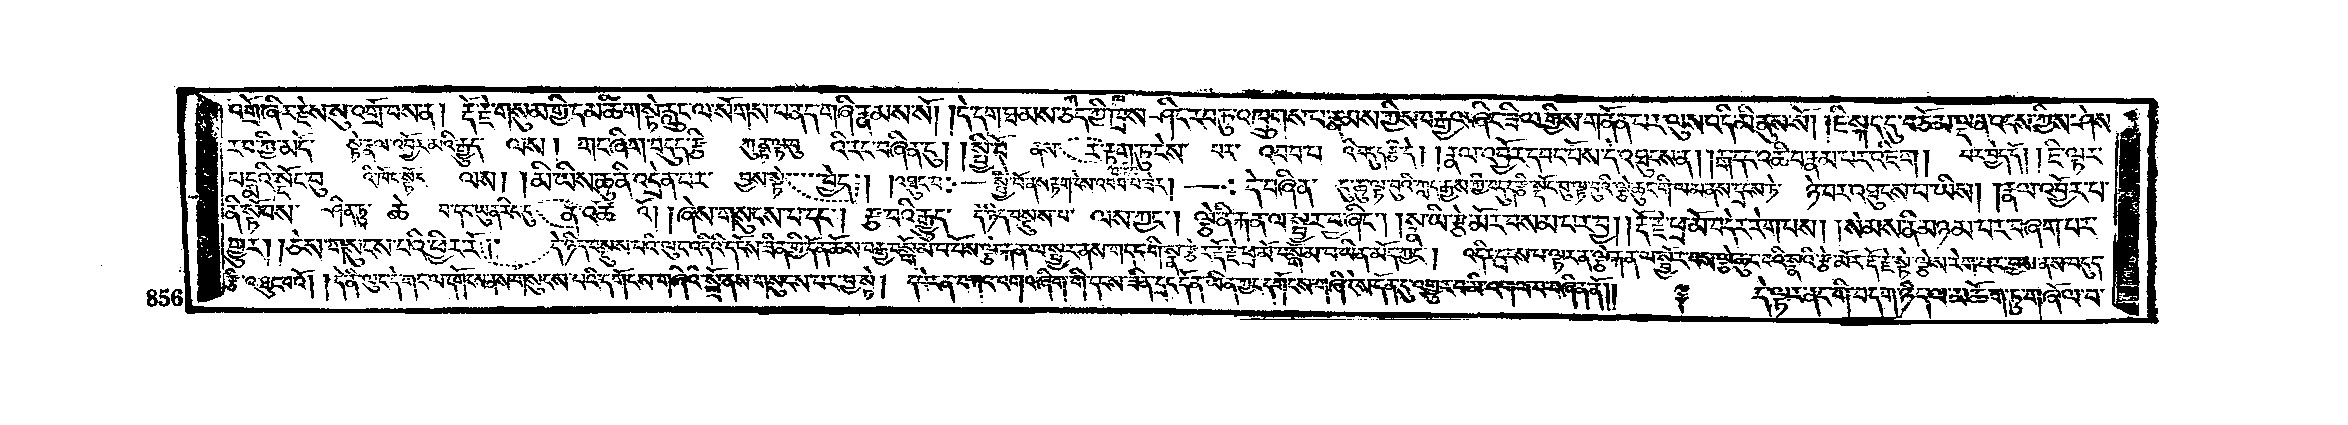འགྲོ་ཞིང་རྗེས་སུ་འགྲོ་བས་ན། རྡོ་རྗེ་གསུམ་གྱི་དམ་ཚིག་སྟེ་རླུང་ལ་སོགས་པ་ནད་གཞི་རྣམས་སོ། །དེ་དག་ཐམས་ཅད་ཀ྄་ཀྱི་ཁ྄་ཁྲོས་ཤིང་རབ་ཏུ་འཁྲུགས་པ་རྣམས་ཀྱིས་བརྒྱལ་ཞིང་ཟིལ་གྱིས་གནོན་པར་ལུས་འདི་མི་ནུས་སོ། །ཇི་སྐད་དུ་བཅོམ་ལྡན་འདས་ཀྱིས་ཤེས་
རབ་ཀྱི་མདོ་སྟེ་རྣལ་འབྱོར་མའི་རྒྱུད་ལས། གང་ཞིག་བདུད་རྩི་ཀུནྟ་ལྟ་བུའི་རང་བཞིན་དུ། །སྤྱི་བོ་ནས་ར་རྟག་ཏུ་ངེས་པར་འབབ་པའི་བདུད་རྩི་དེ། །རྣལ་འབྱོར་དབང་པོས་དེ་འཐུངས་ན། །རྒ་དང་འཆི་བ་རྣམ་པར་འཇིག། པར་བྱེད་དོ། །ཇི་ལྟར་
པདམའི་སྡོང་བུའི་ཁོང་སྟོང་ལས། །མི་ཡིས་ཆུ་ནི་འདྲེན་པར་བྱས་སྟེ་བྱེད། ། འཐུང་བཿ་སྤྱི་བོ་ནས་རྟག་ངེས་པ་ཚབ་འབབ་པ་ཟེར.H དེ་བཞིན་དུ་ཆུ་ལྟ་བུའི་ཀླད་རྒྱས་ཀྱི་བདུད་རྩི་སྡོང་བུ་ལྟ་བུའི་ལྕེ་ཆུང་གི་ལམ་ནས་དྲངས་ཏེ་ཉེ་བར་འཐུངས་པ་ཡིས། །རྣལ་འབྱོར་པ་
ནི་སྟོབས་ཤིན་ཏུ་ཆེ་བ་དང་ཡུན་རིང་དུ་ན་འཚོའོ། །ཞེས་གསུངས་པ་དང་། རྩ་བའི་རྒྱུད་དེ་ཉིད་བསྡུས་པ་ལས་ཀྱང་། ལྕེ་ནི་རྐན་ལ་སྦྱར་བྱ་ཞིང་། །སྣ་ཡི་རྩེ་མོར་བསམ་པར་བྱ། །རྡོ་རྗེ་ཕྲ་མོ་བདེར་རེག་པས། །སེམས་ནི་མཉམ་པར་བཞག་པར་
གྱུར། །ཅེས་གསུངས་པའི་ཕྱིར་རོ། །དེ་ཉིད་བསྡུས་པའི་ལུང་འདིའི་དངོས་ཟིན་གྱི་དོན་ཆོས་བརྒྱ་བསྒོམ་པ་པོས་ལྕེ་རྐན་ལ་སྦྱར་ནས་གདང་གི་སྣ་རྩེར་རྡོ་རྗེ་ཕྲ་མོ་བསྒོམ་པ་ཡིན་མོད་ཀྱང་། འདིར་དྲངས་པ་ལྟར་ན་ལྕེ་རྐན་ལ་སྦྱོར་བས་ལྕེ་ཆུང་བའི་སྣའི་རྩེ་མོར་རྡོ་རྗེ་སྟེ་ལྕེས་རེག་པར་བྱས་ནས་བདུད་
རྩི་འཐུང་བའོ། །དེ་ནི་ལུང་དེ་གང་ལ་དགོངས་ནས་གསུངས་པའི་དགོངས་གཞིའི་སྒོ་ནས་གསུངས་པར་བྱ་སྟེ། དཔེར་ན་བཀའ་འགའ་ཞིག་གི་དངོས་ཟིན་དྲང་དོན་ཡིན་ཀྱང་དགོངས་གཞི་ངེས་དོན་དུ་འགྱུར་བ་མི་འགལ་བ་བཞིན་ནོ།། ༈ དེ་ལྟར་ནང་གི་བདག་ཉིད་ལ་མཆོག་ཏུ་གཞོལ་བ་